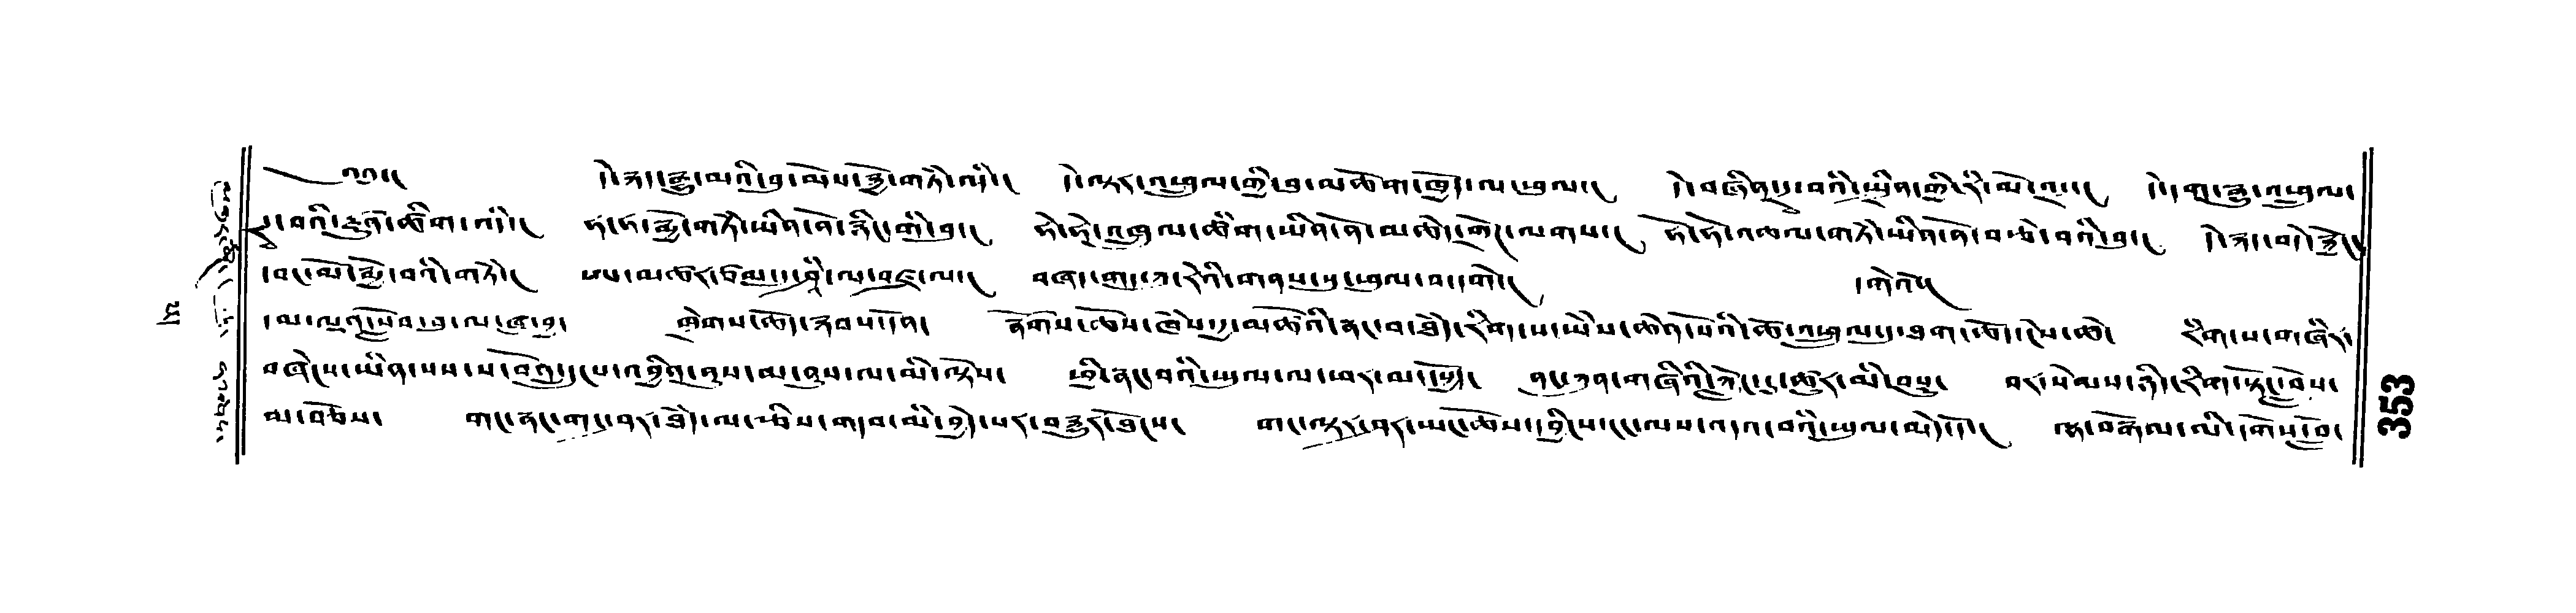།དེ་སྐད་སྒྱུ་མའི་བུ་མོས་སྐྱོ་གཏམ་འདི། །དེ་ལྟར་འཕྲུལ་གྱི་བུ་མཆོག་ཁྱོད་ལ་ཕུལ། །དེ་བཞིན་དྲྭ་བའི་སྤྲིན་གྱི་རི་མོ་འདྲ། །དེ་དག་སྒྱུ་འཕྲུལ་
དྲྭ་བའི་རྫུན་ཚིག་འདི། །ཧ་ཧ་སྨྱོ་གཏམ་ཡིན་ནོ་སྙིང་གི་བུ། །ཧེ་ཧེ་འཁྲུལ་ཚིག་ཡིན་ནོ་མཆེད་གྲོགས་ལགས། །ཧོ་ཧོ་འཆལ་གཏམ་ཡིན་ནོ་བརྩེ་བའི་བུ། །དེ་སྐད་བདེ་སྐྱོང་
དབང་མོ་སྨྱོ་བའི་གཏམ། །ཨ་མཚར་ཙམ་དུ་ཤཱི་ལ་བཛྲ་ལ། །བཞད་གད་ཀུ་རེའི་གནས་སུ་ཕུལ་བ་དགེ དགེའོ།། 
དམ་ལྡན་སློབ་བུ་ལ་ཞུ་བྱ། ཁྲེགས་ཆོད་སྐབས་དོན། སྣ་ཚོགས་ཆོས་ཁམས་རྒྱ་མཚོའི་སྣང་བ་ཐམས་ཅད་རིག་པ་ཡེ་ཤེས་ཆེན་པོའི་ཆོ་འཕྲུལ་དུ་ཐག་ཆོད་ངེས་ཆེ། རིག་པ་གཞིར་
བཞེངས་ཡིན་པས་ས་བོན་དྲུངས་འབྱིན་ནུས་མ་ནུས་ལ་མི་ལྟོས། ཕྱི་སྣང་བའི་ཡུལ་ལ་ཕར་མ་དཔྱོད། ནང་ཀུན་གཞིའི་ཀློང་དུ་ཚུར་མི་བསྡུ། བར་སེམས་ཉིད་རིག་སྟོང་བློས་
མ་བཅོས། གང་སྣང་གང་ཤར་ཐམས་ཅད་ལ་རྩིས་གདབ་མི་བྱེད་པར་བསྐྱུར་ཐོངས། གང་ལྟར་ཤར་ཡང་ཆོས་དབྱིངས་ངང་ལས་འདའ་བའི་ཡུལ་མེད་དོ། ལྷ་བསྒོམ་མི་དགོས་བློ་